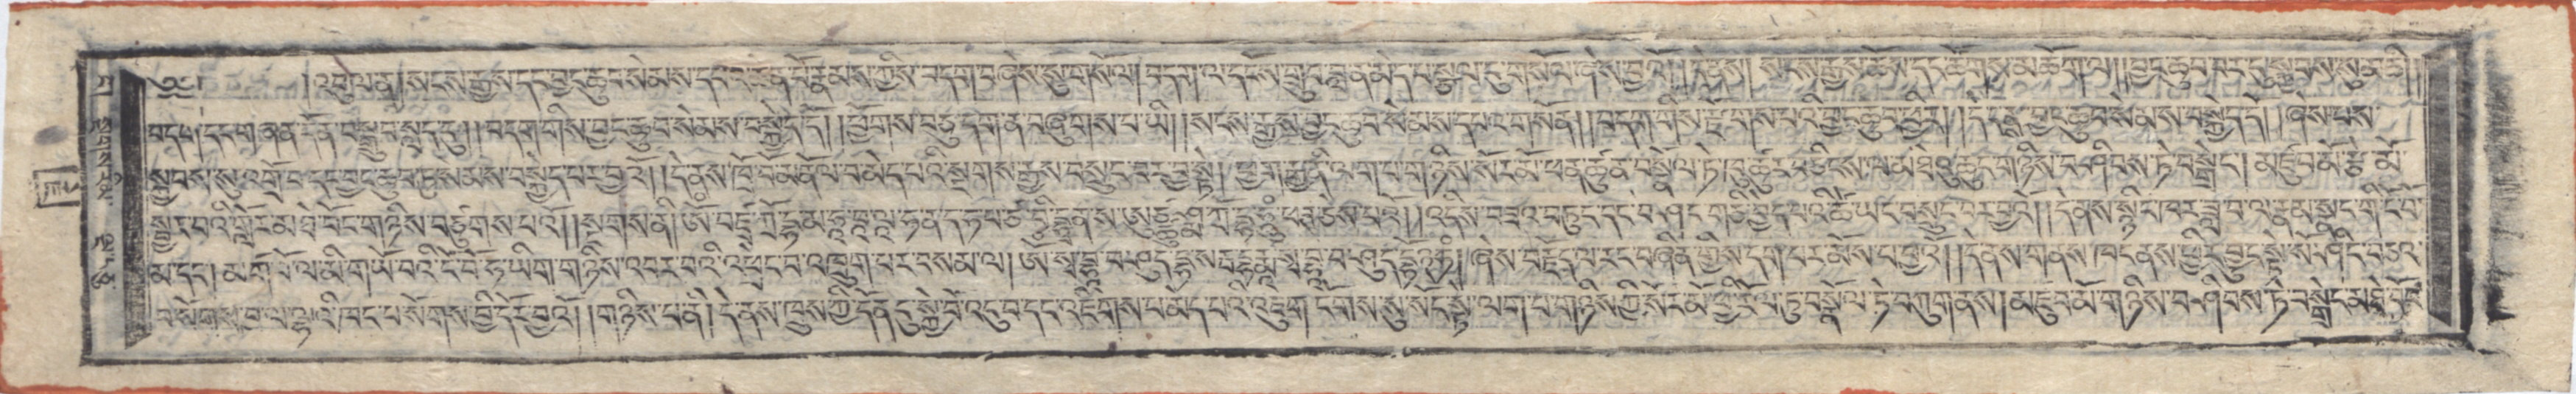༄༅། །འབུལ་ན། སངས་རྒྱས་དང་བྱང་ཆུབ་སེམས་དཔའ་ཆེན་པོ་རྣམས་ཀྱིས་བདག་བཞེས་སུ་གསོལ། བདག་ལ་དངོས་གྲུབ་བླ་ན་མེད་པ་སྩལ་དུ་གསོལ་ཞེས་བྱའོ། །དེ་ནས། སངས་རྒྱས་ཆོས་དང་ཚོགས་མཆོག་ལ། །བྱང་ཆུབ་བར་དུ་སྐྱབས་སུ་མཆི། །
བདག་དང་གཞན་དོན་བསྒྲུབ་སླད་དུ། །བདག་གིས་བྱང་ཆུབ་སེམས་བསྐྱེད་དོ། །ཕྱོགས་བཅུ་དག་ན་བཞུགས་པ་ཡི། །སངས་རྒྱས་བྱང་ཆུབ་སེམས་དཔའ་གསོན། །བདག་གིས་རྫོགས་པའི་བྱང་ཆུབ་ཕྱིར། །དེང་ནས་བྱང་ཆུབ་སེམས་བསྐྱེད་དོ། །ཞེས་པས་
སྐྱབས་སུ་འགྲོ་བ་དང་བྱང་ཆུབ་སེམས་བསྐྱེད་པར་བྱའོ། །དེ་ནས་ཁྲོ་བོ་མནོལ་བ་མེད་པའི་སྔགས་རྒྱས་བསྲུང་བར་བྱ་སྟེ། ཕྱག་རྒྱ་ནི་ལག་པ་གཉིས་སོར་མོ་ཕན་ཚུན་བསྣོལ་ཏེ་ཁུ་ཚུར་བཅིངས་ལ་མཐེའུ་ཆུང་གཉིས་བཤིབས་ཏེ་བསྒྲེང་། མཛུབ་མོ་རྩེ་མོ་
སྦྱར་བའི་གློར་མཐེ་བོང་གཉིས་བཙུགས་པའོ། །སྔགས་ནི། ཨོཾ་བཛྲ་ཀྲོ་དྷ་མ་ཧཱ་བཱ་ལཱ་ཧ་ན་ད་ཧ་པ་ཙ་བི་དྷྭན་ས་ཨུ་ཙྪུ་ཤམ་ཀྲོ་དྷ་ཧཱུཾ་ཕཊ་ཅེས་པའོ། །འདིས་བཟའ་བཏུང་དང་བཤད་གཅི་བྱེད་པའི་ཚེ་ཡང་བསྲུང་བར་བྱའོ། །དེ་ནས་སྙིང་ཁར་ཟླ་བ་ལ་རྣམ་སྣང་གི་ངོ་བོ་
མ་དང་། མགོ་བོ་ལ་མི་གཡོ་བའི་ངོ་བོ་ཧ་ཡིག་གཉིས་འབར་བའི་འཕྲེང་བ་འཁྲུག་པར་བསམ་ལ། ཨོཾ་སྭ་བྷཱ་བ་ཤུད་དྷ་སརྦ་དྷརྨཱ་སྭ་བྷཱ་བ་ཤུད་དྷོ་ཉ་ཧཾ། ཞེས་བརྗོད་ལ་རང་བཞིན་གྱིས་དག་པར་མོས་པ་བྱའོ། །དེ་ནས་གནས་ཁང་ནས་ཕྱིར་བྱུང་སྟེ་སོ་ཤིང་བཅའ་
བ་སོགས་བྱ་ལ་ལྷའི་ཁང་པ་སོགས་བྱི་དོར་བྱའོ། །གཉིས་པ་ནི། དེ་ནས་ཁྲུས་ཀྱི་དོན་དུ་སྐྱེ་བོ་འདུ་བ་དང་འཇིགས་པ་མེད་པའི་འཇུག་ངོགས་སུ་སོང་སྟེ་ལག་པ་གཉིས་ཀྱི་སོར་མོ་ཕྱི་རོལ་ཏུ་བསྣོལ་ཏེ་བཀུག་ནས། མཛུབ་མོ་གཉིས་བཤིབས་ཏེ་བསྒྲེང་མཐེ་བོང་